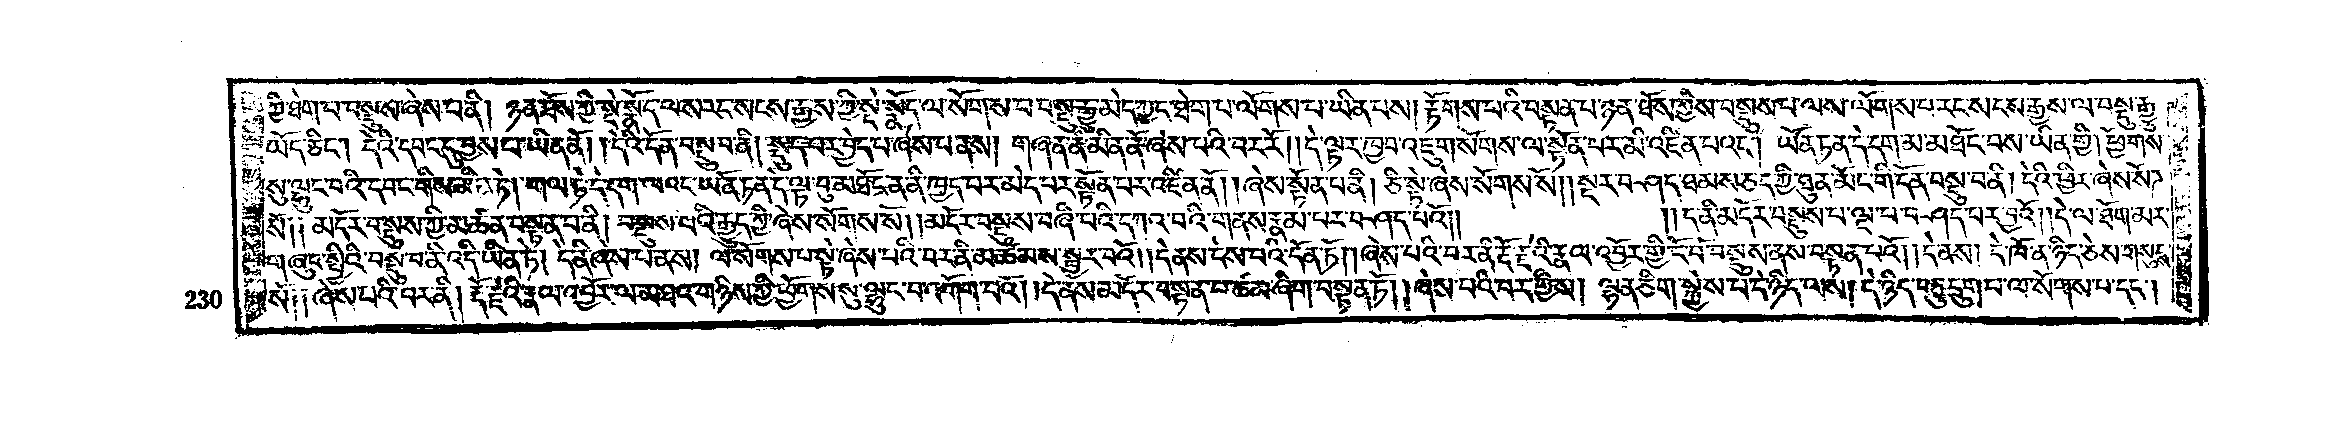ཀྱི་ཐེག་པ་བསྡུས་ཞེས་པ་ནི། ཉན་ཐོས་ཀྱི་སྡེ་སྣོད་ལས་རང་སངས་རྒྱས་ཀྱི་སྡེ་སྣོད་ལ་སོགས་པ་བསྡུ་རྒྱུ་མེད་ཀྱང་ཐེག་པ་ལོགས་པ་ཡིན་པས། རྟོགས་པའི་བསྟན་པ་ཉན་ཐོས་ཀྱིས་བསྡུས་པ་ལས་ལོགས་པ་རང་སངས་རྒྱས་ལ་བསྡུ་རྒྱུ་
ཡོད་ཅིང་།དེའི་དབང་དུ་བྱས་པ་ཡིན་ནོ། །དེའི་དོན་བསྡུ་བ་ནི། སྡུད་པར་བྱེད་པ་ཞེས་པ་ནས། གཞན་ནི་མིན་ནོ་ཞེས་པའི་བར་རོ། །དེ་ལྟར་ཁྱབ་འཇུག་སོགས་ལ་སྟོན་པར་མི་འཛིན་པའང་། ཡོན་ཏན་དེ་དག་མ་མཐོང་བས་ཡིན་གྱི། ཕྱོགས་
སུ་ལྷུང་བའི་དབང་གིས་མིན་ཏེ། གལ་ཏེ་དེ་དག་ལའང་ཡོན་ཏན་དེ་ལྟ་བུ་མཐོང་ན་ནི་ཁྱད་པར་མེད་པར་སྟོན་པར་འཛིན་ནོ། །ཞེས་སྟོན་པ་ནི། ཅི་སྟེ་ཞེས་སོགས་སོ། །སྔར་བཤད་ཐམས་ཅད་ཀྱི་ཐུན་མོང་གི་དོན་བསྡུ་བ་ནི། དེའི་ཕྱིར་ཞེས་སོགས་
སོ། །མདོར་བ་སྡུས་ཀྱི་མཚན་བསྟན་པ་ནི། བསྡུས་པའི་རྒྱུད་ཀྱི་ཞེས་སོགས་སོ། །མདོར་བསྡུས་བཞི་པའི་དཀའ་བའི་གནས་རྣམ་པར་བཤད་པའོ།། །།ད་ནི་མདོར་བསྡུས་པ་ལྔ་པ་བཤད་པར་བྱའོ། །དེ་ལ་ཐོག་མར་
གཞུང་སྤྱིའི་བསྡུ་བ་ནི་འདི་ཡིན་ཏེ། དེ་ནི་ཞེས་པ་ནས། ལ་སོགས་པ་སྟེ་ཞེས་པའི་བར་ནི་མཚམས་སྦྱར་བའོ། །དེ་ནས་ངེས་པའི་དོན་ཏོ། །ཞེས་པའི་བར་ནི་རྡོ་རྗེའི་རྣལ་འབྱོར་གྱི་ངོ་བོ་བསྡུས་ནས་བསྟན་པའོ། །དེ་ནས། དེ་ཁོ་ན་ཉིད་ཅེས་གསུངས་
སོ། །ཞེས་པའི་བར་ནི། རྡོ་རྗེའི་རྣལ་འབྱོར་ལ་མཐའ་གཉིས་ཀྱི་ཕྱོགས་སུ་ལྷུང་བ་འགོག་པའོ། །དེ་ནས་མདོར་བསྟན་པ་ཙམ་ཞིག་བསྟན་ཏོ། །ཞེས་པའི་བར་གྱིས། ལྷན་ཅིག་སྐྱེས་པ་དེ་ཉིད་ལས། དེ་ཉིད་བཅུ་དྲུག་པ་ལ་སོགས་པ་དང་།